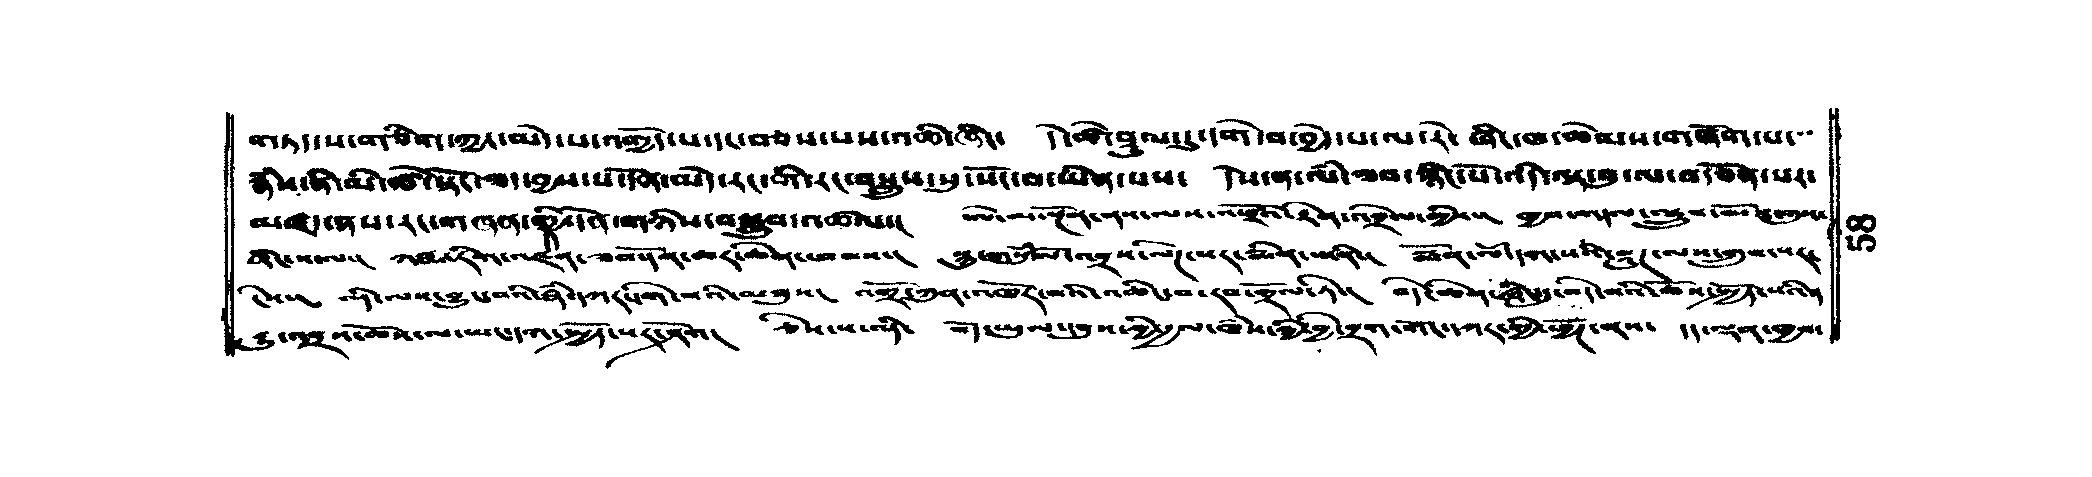གཏད་ས་གཅིག་ཀྱང་མེད་པ་འགྱོད་པ་དང་བཅས་པས་འཆི་ཞིང་། དེ་ཚེ་ཤུལ་དུ་དགེ་བ་བྱེད་པ་ལ་རེ་ཞིང་ཁ་ཆེམས་འཇོག་པ་
རྣམས་ནི་མི་ཚེ་སྟོང་ཟད། བྱས་པ་དོན་མེད་རང་གི་རང་བསླུས་སུ་སོང་བ་ཡིན་པས། དེས་ན་ལམ་ཟབ་སྙིང་པོ་འདི་ལྟ་བུ་ལ་བརྩོན་པར་
མཛད་ནས་རང་གཞན་གྱི་དོན་གཉིས་བསྒྲུབ་འཚལ། ཨེ་མ་སྔོན་ནས་ལས་འཕྲོའི་རྟེན་འབྲེལ་གྱིས། །ཁྱབ་གདལ་ལྷུན་གྲུབ་མོས་གུས་
ཞིང་ས་ལ། །ཀརྨ་རིག་འཛིན་ཟབ་དོན་ཆར་ཆེན་ཕབས། །སྐུ་གསུམ་ལོ་འབྲས་ལེགས་པར་སྨིན་པ་ནི། །སྨོན་ལམ་དག་པའི་ཤུགས་ལས་གྲུབ་པར་
ངེས། །འདི་ལས་བྱུང་བའི་རྣམ་དཀར་དགེ་བའི་མཐུས། །འགྲོ་ཀུན་འཁོར་བའི་འཆིང་བ་རབ་གྲོལ་ཏེ། །བདེ་ཆེན་ཞིང་དུ་བདེ་བའི་ཆོས་སྤྱོད་པའི། །
རྒྱུ་འབྲས་ཆོས་ལ་ཡང་དག་སྤྱོད་པར་ཤོག ཅེས་པ་འདི་བོད་ཡུལ་དབུས་ཀྱི་རྒྱལ་ཁམས་ཀྱི་བྱེ་བྲག་གོང་དཀར་གྱི་ཕྱོགས་ནས། དད་ལྡན་ཁྱབ་